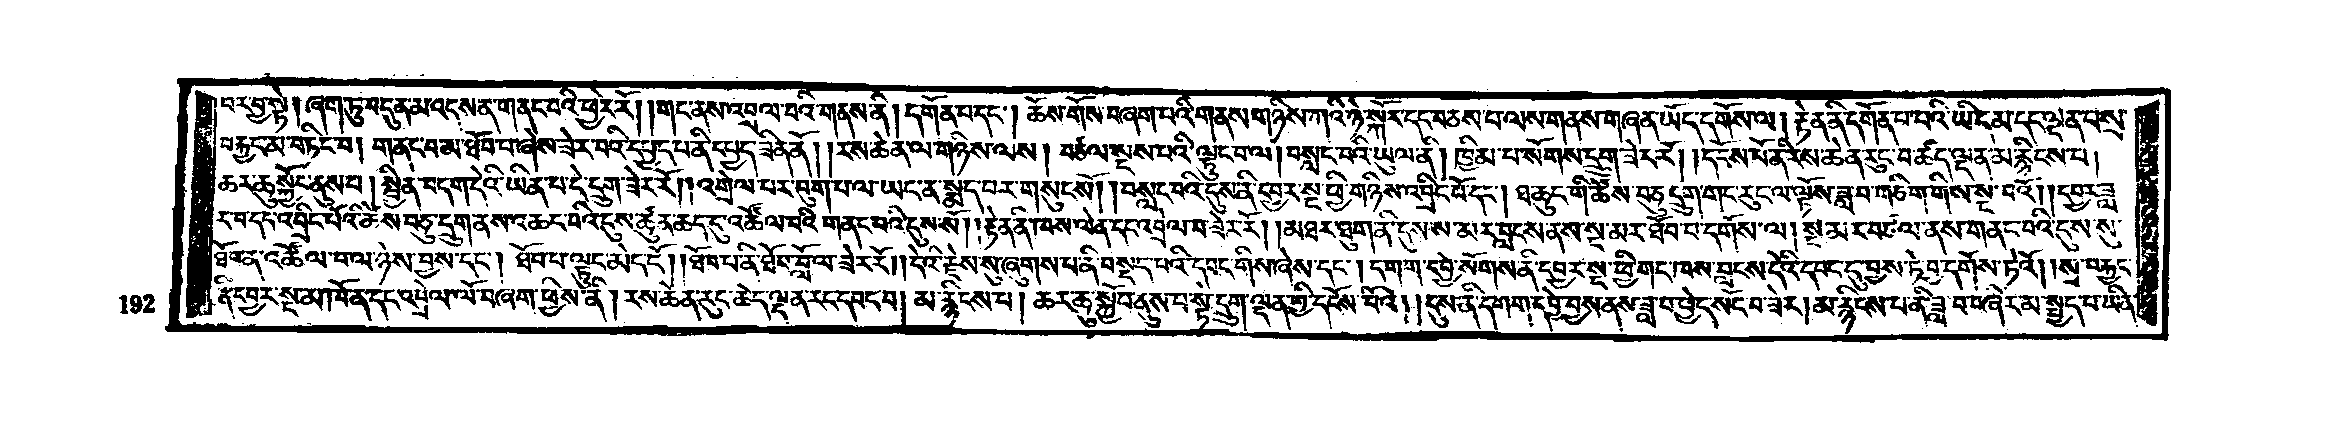བར་བྱ་སྟེ། ཞག་ཏུ་བདུན་མ་འདས་ན་གནང་བའི་ཕྱིར་རོ། །གང་ནས་འབྲལ་བའི་གནས་ནི། དགོན་པ་དང་། ཆོས་གོས་བཞག་པའི་གནས་གཉིས་ཀའི་ཉེ་སྐོར་དང་བཅས་པ་ལས་གནས་གཞན་ཡོད་དགོས་ལ། རྟེན་ནི་དགོན་པ་པའི་ཡི་དམ་དང་ལྡན་པ་སྲ་
བརྐྱང་མ་བཏིང་བ། གནང་བ་མ་ཐོབ་པ་ཞེས་ཟེར་བའི་དཔྱད་པ་ནི་དཔྱད་ཟིན་ནོ། །རས་ཆེན་ལ་གཉིས་ལས། བཙལ་སྔས་པའི་ལྟུང་བ་ལ། བསླང་བའི་ཡུལ་ནི། ཁྱིམ་པ་སོགས་དྲུག་ཟེར་རོ། །དངོས་པོ་ནི་རས་ཆེན་རུང་བ་ཚད་ལྡན་མ་རྙིངས་པ།
ཆར་ཆུ་སྐྱོང་ནུས་པ། སྦྱིན་བདག་དེའི་ཡིན་པ་དེ་དྲུག་ཟེར་རོ། །འགྲེལ་པར་བུག་པ་ལ་ཡང་ན་སྨད་པར་གསུངས་སོ། །བསླང་བའི་དུས་ནི་དབྱར་སྔ་ཕྱི་གཉིས་འབྲིང་པོ་དང་། ཐ་ཆུང་གི་ཚེས་བཅུ་དྲུག་གང་རུང་ལ་ལྟོས་ཟླ་བ་གཅིག་གིས་སྔ་པའོ། །དབྱར་ཟླ་
ར་བ་དང་འབྲིང་པོའི་ཚེས་བཅུ་དྲུག་ནས་འཆང་བའི་དུས་ཚུན་ཆད་དུ་འཚོལ་བའི་གནང་བའི་དུས་སོ། །རྟེན་ནི་ཁས་ལེན་དང་འབྲེལ་བ་ཟེར་རོ། །མཐར་ཐུག་ནི་དུས་སྔ་མར་བླངས་ནས་སྔ་མར་ཐོབ་པ་དགོས་ལ། སྔ་མར་བཙལ་ནས་གནང་བའི་དུས་སུ་
ཐོབ་ན་འཚོལ་བ་ལ་ཉེས་བྱས་དང་། ཐོབ་པ་ལྟུང་མེད་དོ། །ཐོབ་པ་ནི་ཐོབ་བློ་ལ་ཟེར་རོ། །དེའི་རྗེས་སུ་ཞུགས་པ་ནི་བསྡད་པའི་དབང་གིས་ཞེས་དང་། དགག་དབྱེ་སོགས་ནི་དབྱར་སྔ་ཕྱི་གང་ཁས་བླངས་དེའི་དབང་དུ་བྱས་ཏེ་བྱ་དགོས་ཏེའོ། །སྲ་བརྐྱང་
ནི་དབྱར་སྔ་མ་ཁོ་ན་དང་འབྲེལ་ལོ་བཞག་ཕྱིས་ནི། རས་ཆེན་རུང་ཆད་?་ལྡན་རང་དབང་བ། མ་རྙིངས་པ། ཆར་ཆུ་སྐྱོབ་ནུས་པ་སྟེ་དྲུག་ལྡན་གྱི་དངོས་པོའོ། །དུས་ནི་དགག་དབྱེ་བྱས་ནས་ཟླ་བ་ཕྱེད་སོང་བ་ཟེར། མ་རྙིངས་པ་ནི་ཟླ་བ་བཞིར་མ་སྤྱད་པ་ཡིན་